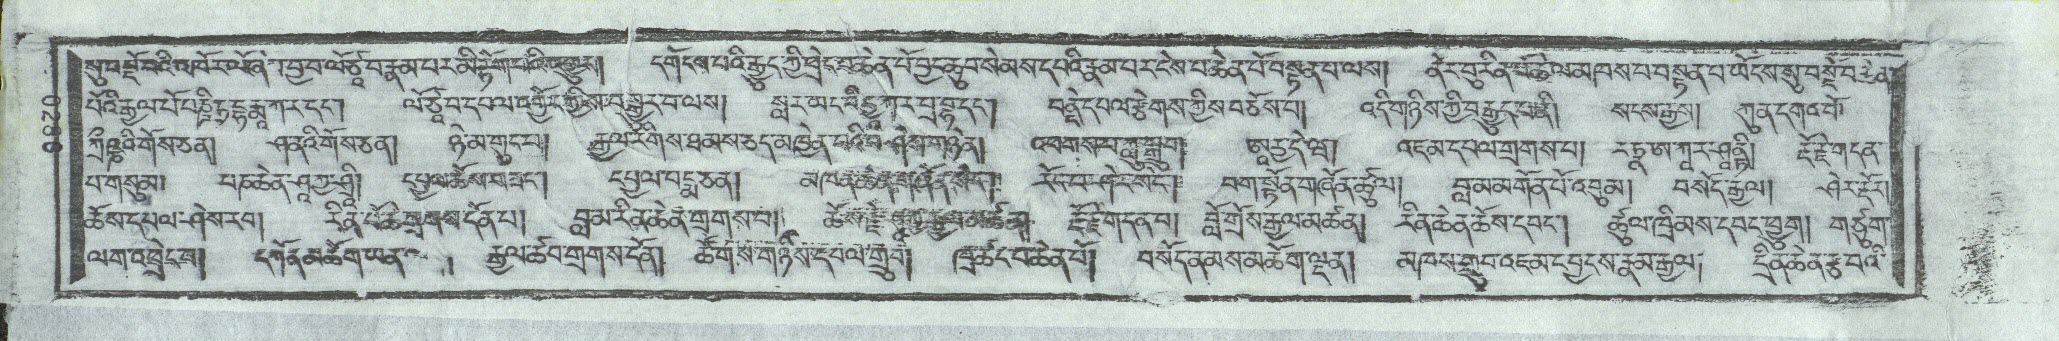སུ་བསྔོ་བའི་འཁོར་ལོ་ཞེས་བྱ་བ་ལོ་ཙཱ་བ་རྣམ་པར་མི་རྟོག་པའི་འགྱུར། དགོངས་པའི་རྒྱུད་ཀྱི་ཕྲེང་པ་ཆེན་པོ་བྱང་ཆུབ་སེམས་དཔའི་རྣམ་པར་ངེས་པ་ཆེན་པོ་བསྟན་པ་ལས། ནོར་བུ་རིན་པོ་ཆེ་ལ་མཁས་པ་བསྟན་པ་ཡོངས་སུ་བསྡེ་བ་ཆེན་
པོའི་རྒྱལ་པོ་པཎྜི་ཏ་དྷརྨཱ་ཀ་ར་དང་། ལོ་ཙཱ་བ་དཔལ་འབྱོར་གྱིས་བསྒྱུར་བ་ལས། སླར་ཡང་བིདྱཱ་ཀ་ར་པྲ་བྷ་དང་། བནྡེ་དཔལ་རྩེགས་ཀྱིས་བཅོས་པ། འདི་གཉིས་ཀྱི་བརྒྱུད་པ་ནི། སངས་རྒྱས། ཀུན་དགའ་བོ།
ཀྲྀཥཎཱི་གོས་ཅན། ཤ་ནའི་གོས་ཅན། ཉེ་མ་གུང་པ། རྒྱལ་རིགས་ཐམས་ཅད་མཁྱེན་པའི་བཤེས་གཉེན། འཕགས་པ་ཀླུ་སྒྲུབ། ཨཱརྱ་དེ་ཝ། འཇམ་དཔལ་གྲགས་པ། རཏྣ་ཨ་ཀཱ་ར་ཤཱནྟི། རྡོ་རྗེ་གདན་
པ་གསུམ། པཎ་ཆེན་ཤཱཀྱ་ཤྲཱི། དཔྱལ་ཆོས་བཟང་། དཔྱལ་པདམ་ཅན། མཁན་ཆེན་གཞོན་སེང་། རོང་བ་ཤེར་སེང་། བག་སྟོན་གཞོན་ཚུལ། བླ་མ་མགོན་པོ་འབུམ། བསོད་རྒྱལ། ཤེར་རྡོར།
ཆོས་དཔལ་ཤེས་རབ། རིན་པོ་ཆེ་གྲགས་དོན་པ། བླ་མ་རིན་ཆེན་གྲགས་པ། ཆོས་རྗེ་ཤཱཀྱ་རྒྱལ་མཚན། རྡོ་རྗེ་གདན་པ། བློ་གྲོས་རྒྱལ་མཚན། རིན་ཆེན་ཆོས་དབང་། ཚུལ་ཁྲིམས་དབང་ཕྱུག། གཙུག་
ལག་འཕྲེང་བ། དཀོན་མཆོག་ཡན་པ།། རྒྱལ་ཚབ་གྲགས་དོན། ཚོགས་གཉིས་དཔལ་གྲུབ། ཁྲ་ཚང་པ་ཆེན་པོ། བསོད་ནམས་མཆོག་ལྡན། མཁས་གྲུབ་འཇམ་དབྱངས་རྣམ་རྒྱལ། དྲིན་ཆེན་རྩ་བའི་